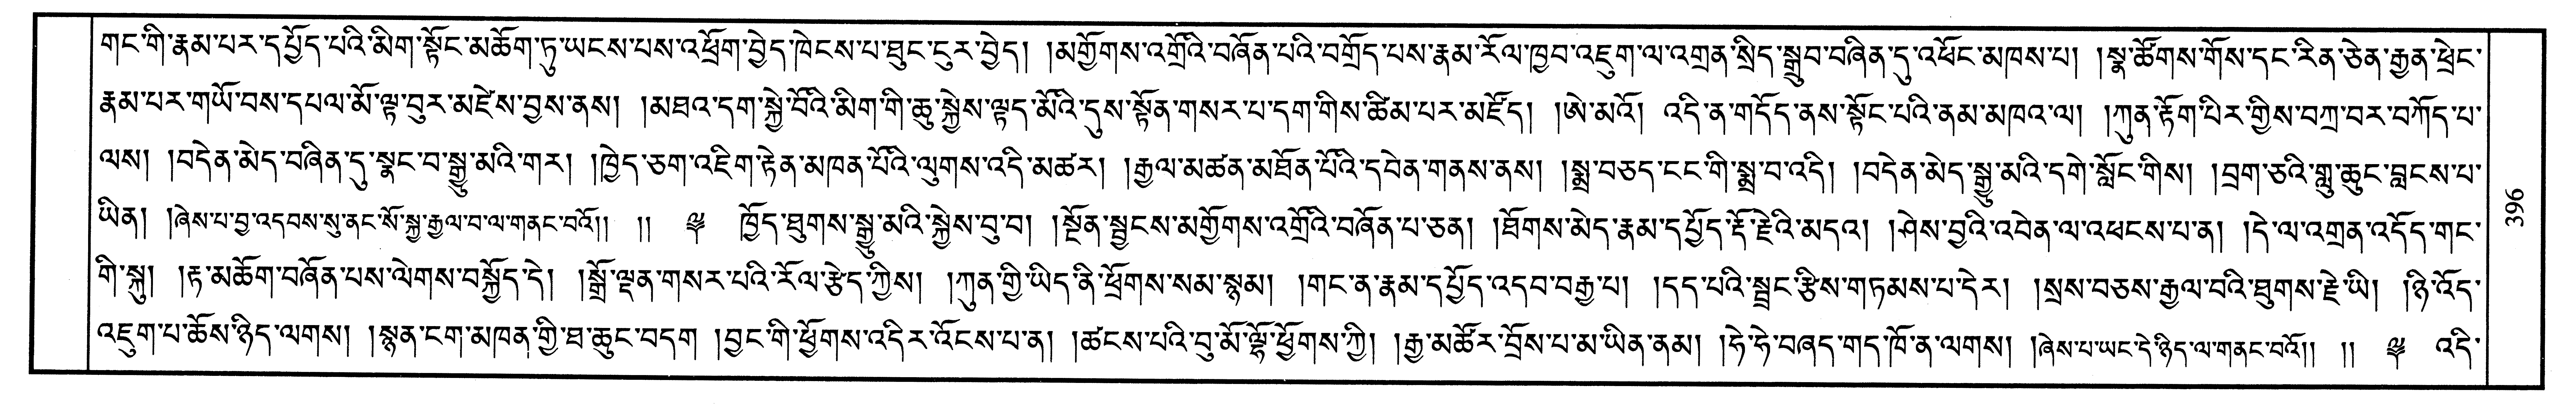གང་གི་རྣམ་པར་དཔྱོད་པའི་མིག་སྟོང་མཆོག་ཏུ་ཡངས་པས་འཕྲོག་བྱེད་ཁེངས་པ་ཐུང་ངུར་བྱེད། །མགྱོགས་འགྲོའི་བཞོན་པའི་བགྲོད་པས་རྣམ་རོལ་ཁྱབ་འཇུག་ལ་འགྲན་སྲིད་སྒྲུབ་བཞིན་དུ་འཕོང་མཁས་པ། །སྣ་ཚོགས་གོས་དང་རིན་ཅེན་རྒྱན་ཕྲེང་
རྣམ་པར་གཡོ་བས་དཔལ་མོ་ལྟ་བུར་མཛེས་བྱས་ནས། །མཐའ་དག་སྐྱེ་བོའི་མིག་གི་ཆུ་སྐྱེས་ལྟད་མོའི་དུས་སྟོན་གསར་པ་དག་གིས་ཚིམ་པར་མཛོད། །ཨེ་མའོ། །འདི་ན་གདོད་ནས་སྟོང་པའི་ནམ་མཁའ་ལ། །ཀུན་རྟོག་པིར་གྱིས་བཀྲ་བར་བཀོད་པ་
ལས། །བདེན་མེད་བཞིན་དུ་སྣང་བ་སྒྱུ་མའི་གར། །ཁྱེད་ཅག་འཇིག་རྟེན་མཁན་པོའི་ལུགས་འདི་མཚར། །རྒྱལ་མཚན་མཐོན་པོའི་དབེན་གནས་ནས། །སྨྲ་བཅད་ངང་གི་སྨྲ་བ་འདི། །བདེན་མེད་སྒྱུ་མའི་དགེ་སློང་གིས། །བྲག་ཅའི་གླུ་ཆུང་བླངས་པ་
ཡིན། །ཞེས་པ་བྱ་འདབས་སུ་ནང་སོ་སྐྱ་རྒྱལ་བ་ལ་གནང་བའོ།། །། ༈ ཁྱོད་ཐུགས་སྒྱུ་མའི་སྐྱེས་བུ་བ། །སྔོན་སྦྱངས་མགྱོགས་འགྲོའི་བཞོན་པ་ཅན། །ཐོགས་མེད་རྣམ་དཔྱོད་རྡོ་རྗེའི་མདའ། །ཤེས་བྱའི་འབེན་ལ་འཕངས་པ་ན། །དེ་ལ་འགྲན་འདོད་གང་
གི་སྐུ། །རྟ་མཆོག་བཞོན་པས་ལེགས་བསྐྱོད་དེ། །སྒྲོ་ལྡན་གསར་པའི་རོལ་རྩེད་ཀྱིས། །ཀུན་གྱི་ཡིད་ནི་ཕྲོགས་སམ་སྙམ། །གང་ན་རྣམ་དཔྱོད་འདབ་བརྒྱ་པ། །དད་པའི་སྦྲང་རྩིས་གཏམས་པ་དེར། །སྲས་བཅས་རྒྱལ་བའི་ཐུགས་རྗེ་ཡི། །ཉི་འོད་
འཇུག་པ་ཆོས་ཉིད་ལགས། །སྙན་ངག་མཁན་གྱི་ཐ་ཆུང་བདག །བྱང་གི་ཕྱོགས་འདིར་འོངས་པ་ན། །ཚངས་པའི་བུ་མོ་ལྷོ་ཕྱོགས་ཀྱི། །རྒྱ་མཚོར་བྲོས་པ་མ་ཡིན་ནམ། །ཧེ་ཧེ་བཞད་གད་ཁོ་ན་ལགས། །ཞེས་པ་ཡང་དེ་ཉིད་ལ་གནང་བའོ།། །། ༈ འདི་